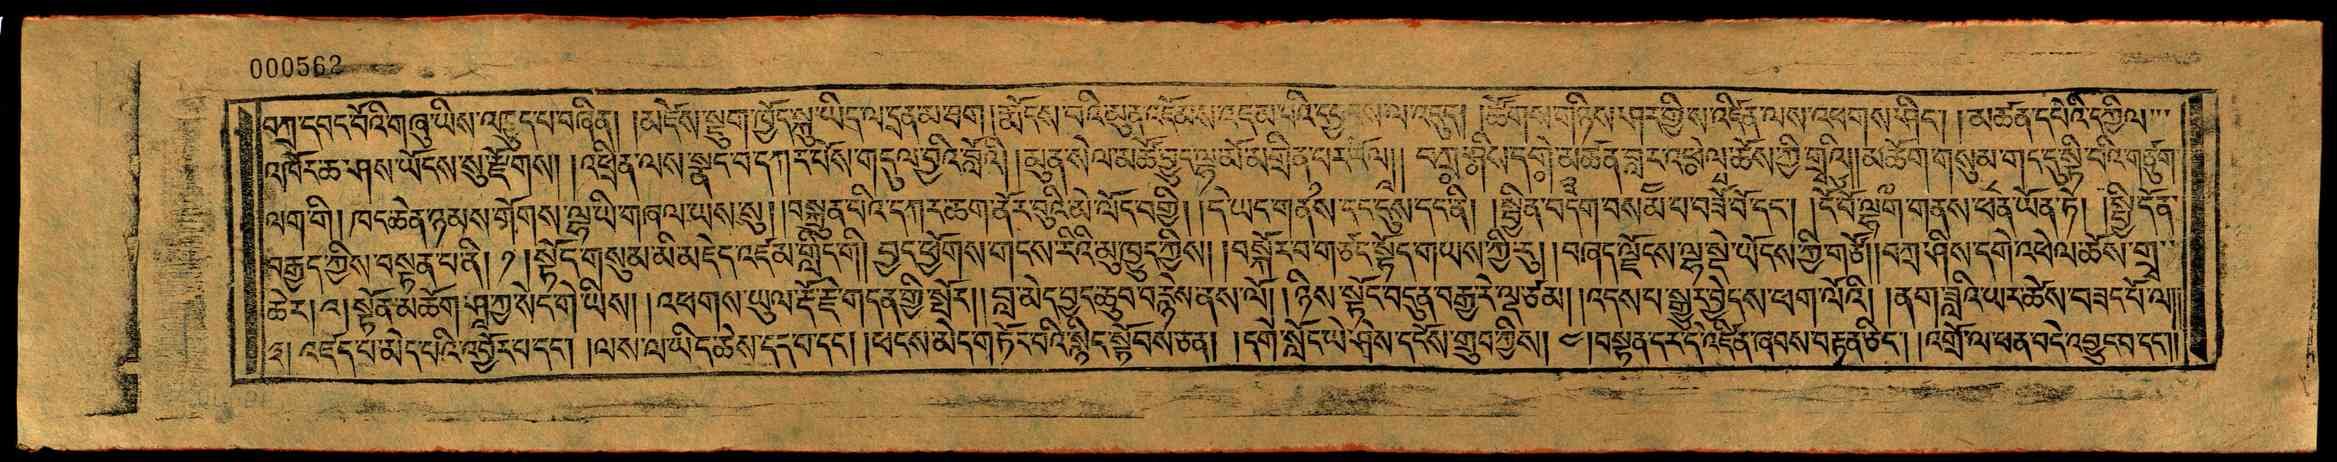བཀྲ་དབང་པོའི་གཞུ་ཡིས་འཁྱུད་པ་བཞིན། །མཛེས་སྡུག་ཁྱོད་སྐུ་ཡིད་ལ་དྲན་མ་ཐག །རྨོངས་པའི་མུན་འཇོམས་འཇམ་པའི་དབྱངས་ལ་འདུད། །ཚོགས་གཉིས་ཤར་གྱི་ས་འཛིན་ལས་འཕགས་ཤིང་། །མཚན་དཔེའི་དཀྱིལ་
འཁོར་ཆ་ཤས་ཡོངས་སུ་རྫོགས། །འཕྲིན་ལས་སྣང་བ་དཀར་པོས་གདུལ་བྱའི་བློའི། །མུན་སེལ་མཚོ་བྱུང་ལྷ་མོ་མགྲིན་པར་རོལ།། བཀྲ་ཤིས་དགེ་མཚན་བླར་འཕེལ་ཆོས་ཀྱི་གྲྭའི། །མཆོག་གསུམ་གང་དུ་སྟི་བའི་གཙུག་
ལག་གི། ཁང་ཆེན་ཉམས་གོགས་ལྷ་ཡི་གཞལ་ཡས་སུ། །བསྐྲུན་པའི་དཀར་ཆག་ནོར་བུའི་མེ་ལོང་བགྱི། །དེ་ཡང་གནས་དང་དུས་དང་ནི། །སྦྱིན་བདག་བསམ་པ་བཟོ་བོ་དང་། །ངོ་བོ་ལྷག་གནས་ཕན་ཡོན་ཏེ། །སྤྱི་དོན་
བརྒྱད་ཀྱིས་བསྟན་པ་ནི། །སྟོང་གསུམ་མི་མཇེད་འཛམ་གླིང་གི། བྱང་ཕྱོགས་གངས་རིའི་མུ་ཁྱུད་ཀྱིས། །བསྐོར་བ་གཙང་སྟོད་གཡས་ཀྱི་རུ། །བཞད་ལྗོངས་ལྷ་སྡེ་ཡོངས་ཀྱི་གཙོ། །བཀྲ་ཤིས་དགེ་འཕེལ་ཆོས་གྲྭ་
ཆེར། ༢་།སྟོན་མཆོག་ཤཱཀྱ་སེང་གེ་ཡིས། །འཕགས་ཡུལ་རྡོ་རྗེ་གདན་གྱི་སྤོར། །བླ་མེད་བྱང་ཆུབ་བརྙེས་ནས་ལོ། །ཉིས་སྟོང་བདུན་བརྒྱ་རེ་ལྔ་ཙམ། །འདས་པ་སྒྱུར་བྱེད་ས་ཕག་ལོའི། །ནག་ཟླའི་ཡར་ཚེས་བཟང་པོ་ལ།།
༣། འཛད་པ་མེད་པའི་འབྱོར་པ་དང་། །ལས་ལ་ཡིད་ཆེས་དད་པ་དང་། །ཕངས་མེད་གཏོང་བའི་སྙིང་སྟོབས་ཅན། །དགེ་སློང་ཡེ་ཤེས་དངོས་གྲུབ་ཀྱིས། ༤་།བསྟན་དང་དེ་འཛིན་ཞབས་བརྟན་ཅིང་། །འགྲོ་ལ་ཕན་བདེ་འབྱུང་བ་དང།།